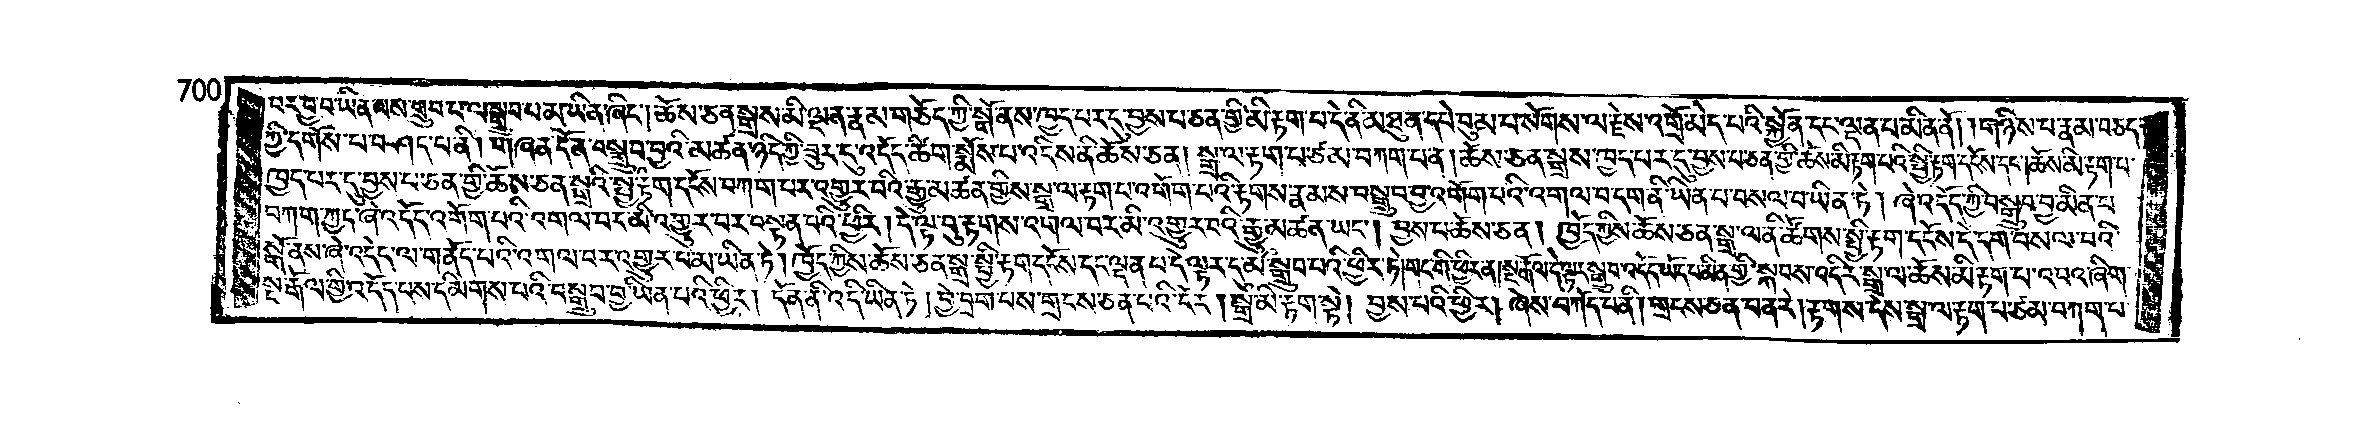པར་བྱ་བ་ཡིན་པས་གྲུབ་པ་ལ་སྒྲུབ་པ་མ་ཡིན་ཞིང་། ཆོས་ཅན་སྒྲས་མི་ལྡན་རྣམ་གཅོད་ཀྱི་སྒོ་ནས་ཁྱད་པར་དུ་བྱས་པ་ཅན་གྱི་མི་རྟག་པ་དེ་ནི་མཐུན་དཔེ་བུམ་པ་སོགས་ལ་རྗེས་འགྲོ་མེད་པའི་སྐྱོན་དང་ལྡན་པ་མིན་ནོ། །གཉིས་པ་རྣམ་བཅད་
ཀྱི་དགོས་པ་བཤད་པ་ནི། གཞན་དོན་བསྒྲུབ་བྱའི་མཚན་ཉིད་ཀྱི་ཟུར་དུ་འདོད་ཚིག་སྨོས་པ་འདིས་ནི་ཆོས་ཅན། སྒྲ་ལ་རྟག་པ་ཙམ་བཀག་པ་ན། ཆོས་ཅན་སྒྲས་ཁྱད་པར་དུ་བྱས་པ་ཅན་གྱི་ཆོས་མི་རྟག་པའི་སྤྱི་རྟག་དངོས་དང་། ཆོས་མི་རྟག་པ་
ཁྱད་པར་དུ་བྱས་པ་ཅན་གྱི་ཆོས་ཅན་སྒྲའི་སྤྱི་རྟག་དངོས་བཀག་པར་འགྱུར་བའི་རྒྱུ་མཚན་གྱིས་སྒྲ་ལ་རྟག་པ་འགོག་པའི་རྟགས་རྣམས་བསྒྲུབ་བྱ་འགོག་པའི་འགལ་བ་དག་ནི་ཡིན་པ་བསལ་བ་ཡིན་ཏེ། ཞེ་འདོད་ཀྱི་བསྒྲུབ་བྱ་མིན་པ་
བཀག་ཀྱང་ཞེ་འདོད་འགོག་པའི་འགལ་བར་མི་འགྱུར་བར་བསྟན་པའི་ཕྱིར། དེ་ལྟ་བུ་རྟགས་འགལ་བར་མི་འགྱུར་བའི་རྒྱུ་མཚན་ཡང་། བྱས་པ་ཆོས་ཅན། ཁྱོད་ཀྱིས་ཆོས་ཅན་སྒྲ་ལ་ནི་ཚོགས་སྤྱི་རྟག་དངོས་དེ་དག་བསལ་བའི་
སྒོ་ནས་ཞེ་འདོད་ལ་གནོད་པའི་འགལ་བར་འགྱུར་པ་མ་ཡིན་ཏེ། ཁྱོད་ཀྱིས་ཆོས་ཅན་སྒྲ་སྤྱི་རྟག་དངོས་དང་ལྡན་པ་དེ་ལྟར་བུ་མ་སྒྲུབ་པའི་ཕྱིར་ཏེ། གང་གི་ཕྱིར་ན། སྔ་རྒོལ་དེ་ལྟར་སྒྲུབ་འདོད་ཡོད་པ་མིན་གྱི་སྐབས་འདིར་སྒྲ་ལ་ཆོས་མི་རྟག་པ་འགའ་ཞིག་
སྔ་རྒོལ་གྱི་འདོད་པས་དམིགས་པའི་བསྒྲུབ་བྱ་ཡིན་པའི་ཕྱིར། དོན་ནི་འདི་ཡིན་ཏེ། བྱེ་བྲག་པས་གྲངས་ཅན་པའི་ངོར། སྒྲ་མི་རྟག་སྟེ། བྱས་པའི་ཕྱིར། ཞེས་བཀོད་པ་ནི། གྲངས་ཅན་པ་ན་རེ། རྟགས་དེས་སྒྲ་ལ་རྟག་པ་ཙམ་བཀག་པ་